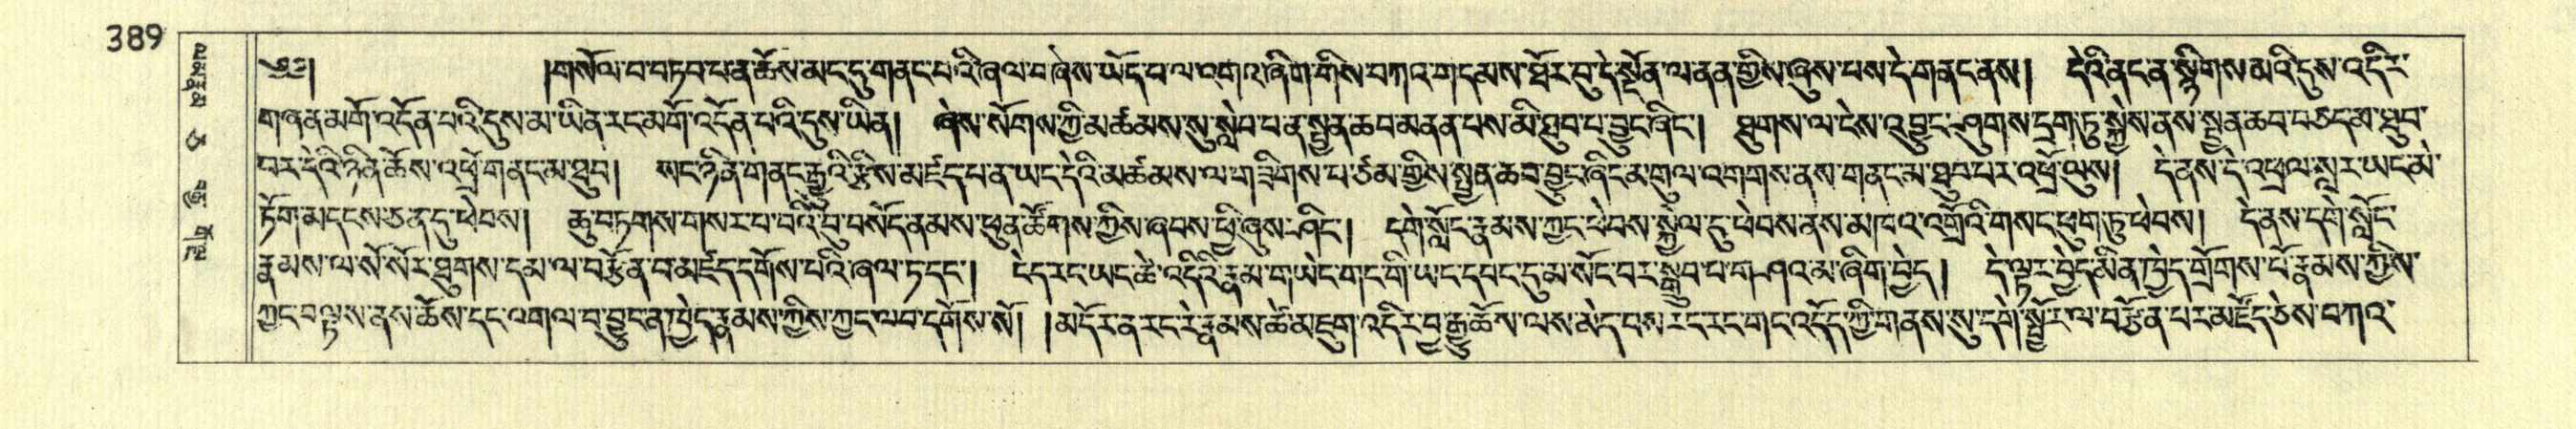༄༅། །གསོལ་བ་བཏབ་པ་ན་ཆོས་མང་དུ་གནང་བའི་ཞལ་བ་ཞེས་ཡོད་པ་ལ་འགའ་ཞིག་གིས་བཀའ་གདམས་ཐོར་བུ་དེ་སྔོན་ལ་ནན་གྱིས་ཞུས་པས་དེ་གནང་ནས། དེའི་ནང་ན་སྙིགས་མའི་དུས་འདིར་
གཞན་མགོ་འདོན་པའི་དུས་མ་ཡིན་རང་མགོ་འདོན་པའི་དུས་ཡིན། ཞེས་སོགས་ཀྱི་མཚམས་སུ་སླེབ་པ་ན་སྤྱན་ཆབ་མནན་པས་མི་ཐུབ་པ་བྱུང་ཞིང་། ཐུགས་ལ་ངེས་འབྱུང་ཤུགས་དྲག་ཏུ་སྐྱེས་ནས་སྤྱན་ཆབ་བཅད་མ་ཐུབ་
བར་དེའི་ཉིན་ཆོས་འཕྲོ་གནང་མ་ཐུབ། སང་ཉིན་གནང་རྒྱུའི་རྩིས་མཛད་པ་ན་ཡང་དེའི་མཚམས་ལ་གཟིགས་པ་ཙམ་གྱིས་སྤྱན་ཆབ་བྱུང་ཞིང་མགུལ་འགགས་ནས་གནང་མ་ཐུབ་པར་འཕྲོ་ལུས། དེ་ནས་དེ་འཕྲལ་སླར་ཡང་མེ་
ཏོག་མདངས་ཅན་དུ་ཕེབས། ཆུ་བཏགས་གསར་པ་བའི་བུ་བསོད་ནམས་ཕུན་ཚོགས་ཀྱིས་ཞབས་ཕྱི་ཞུས་ཤིང་། དགེ་སློང་རྣམས་ཀྱང་ཕེབས་སྐྱེལ་དུ་ཕེབས་ནས་མཁའ་འགྲོའི་གསང་ཕུག་ཏུ་ཕེབས། དེ་ནས་དགེ་སློང་
རྣམས་ལ་སོ་སོར་ཐུགས་དམ་ལ་བརྩོན་བ་མཛད་དགོས་པའི་ཞལ་ཏ་དང་། ངེད་རང་ཡང་ཚེ་འདིའི་རྣམ་གཡེང་གང་གི་ཡང་དབང་དུ་མ་སོང་བར་སྒྲུབ་པ་གཤའ་མ་ཞིག་བྱེད། དེ་ལྟར་བྱེད་མིན་ཁྱེད་གྲོགས་པོ་རྣམས་ཀྱིས་
ཀྱང་བལྟས་ནས་ཆོས་དང་འགལ་བ་བྱུང་ན་ཁྱེད་རྣམས་ཀྱིས་ཀྱང་ལབ་དགོས་སོ། །མདོར་ན་རང་རེ་རྣམས་ཚེ་མཇུག་འདིར་བྱ་རྒྱུ་ཆོས་ལས་མེད་བས་རང་རང་གང་འདོད་ཀྱི་གནས་སུ་དགེ་སྦྱོར་ལ་བརྩོན་པར་མཛོད་ཅེས་བཀའ་